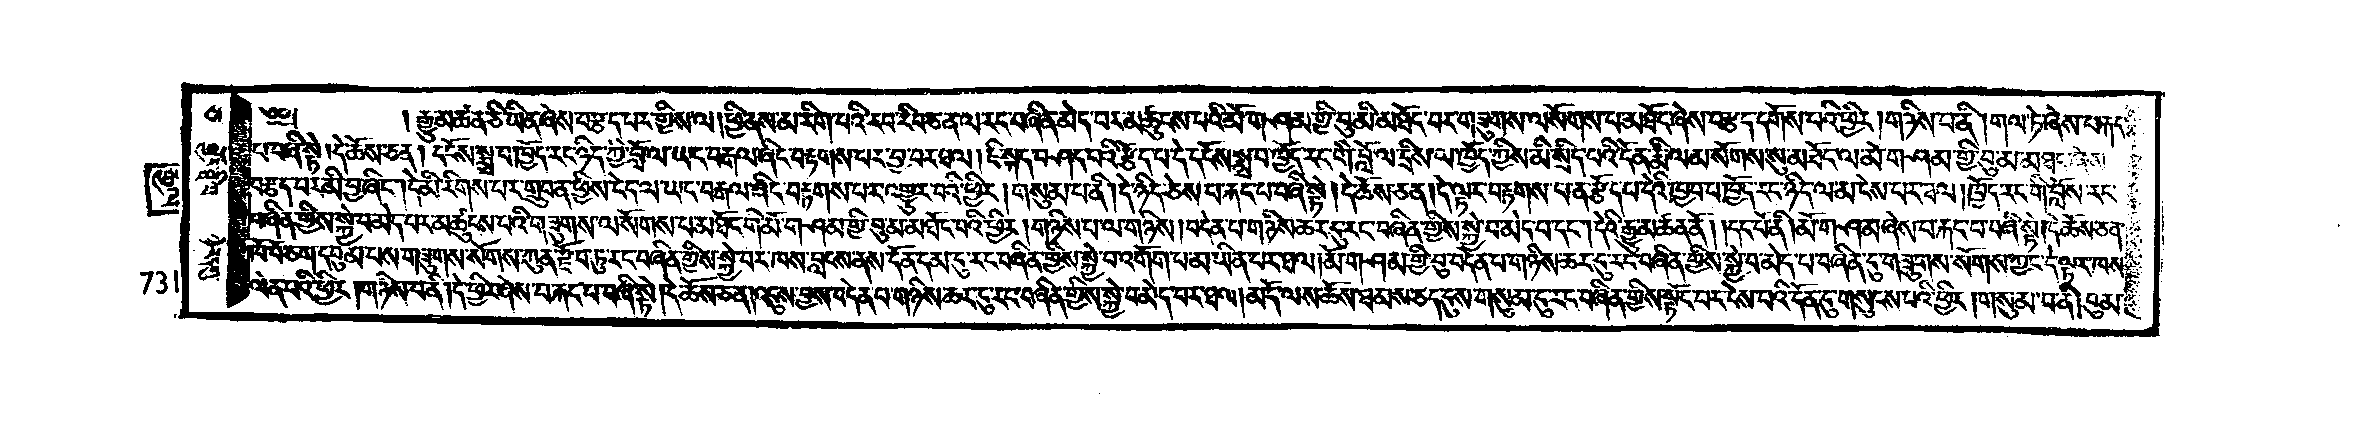༄༅། །རྒྱུ་མཚན་ཅི་ཡིན་ཞེས་བརྩད་པར་གྱིས་ལ། ཕྱི་ནས་མ་རིག་པའི་རབ་རིབ་ཅན་ལ་རང་བཞིན་མེད་པར་མཚུངས་པའི་མོ་གཤམ་གྱི་བུ་མི་མཐོང་བར་གཟུགས་ལ་སོགས་པ་མཐོང་ཞེས་བརྩད་དགོས་པའི་ཕྱིར། གཉིས་པ་ནི། གལ་ཏེ་ཞེས་པ་རྐང་
པ་བཞི་སྟེ། དེ་ཆོས་ཅན། དངོས་སྨྲ་བ་ཁྱོད་རང་ཉིད་ཀྱི་བློ་ལ་ཡང་བརྒལ་ཞིང་བརྟགས་པར་བྱ་བར་ཐལ། ཇི་སྐད་བཤད་པའི་རྩོད་པ་དེ་དངོས་སྨྲ་བ་ཁྱོད་རང་གི་བློ་ལ་དྲིས་ལ་ཁྱོད་ཀྱིས་མི་སྲིད་པའི་དོན་རྨི་ལམ་སོགས་སུ་མཐོང་ལ་མོ་གཤམ་གྱི་བུ་མ་མཐང་ཞེས་
བརྩད་པར་མི་བྱ་ཞིང་། དེ་མི་རིགས་པར་གྲུབ་ན་ཕྱིས་ངེད་ལ་ཡང་བརྒལ་ཞིང་བརྟགས་པར་འགྱུར་བའི་ཕྱིར། གསུམ་པ་ནི། དེ་ཉིད་ཅེས་པ་རྐང་པ་བཞི་སྟེ། དེ་ཆོས་ཅན། དེ་ལྟར་བརྟགས་པ་ན་རྩོད་པ་དེའི་ཁྱབ་པ་ཁྱོད་རང་ཉིད་ལ་མ་ངེས་པར་ཐལ། ཁྱོད་རང་གི་བློས་རང་
བཞིན་གྱིས་སྐྱེ་བ་མེད་པར་མཚུངས་པའི་གཟུགས་ལ་སོགས་པ་མཐོང་གི་མོ་གཤམ་གྱི་བུ་མ་མཐོང་བའི་ཕྱིར། གཉིས་པ་ལ་གཉིས། བདེན་པ་གཉིས་ཆར་དུ་རང་བཞིན་གྱིས་སྐྱེ་བ་མེད་པ་དང་། དེའི་རྒྱུ་མཚན་ནོ། །དང་པོ་ནི། མོ་གཤམ་ཞེས་པ་རྐང་པ་བཞི་སྟེ། དེ་ཆོས་ཅན་
ཁོ་བོ་ཅག་དབུ་མ་པས་གཟུགས་སོགས་ཀུན་རྫོབ་ཏུ་རང་བཞིན་གྱིས་སྐྱེ་བར་ཁས་བླངས་ནས་དོན་དམ་དུ་རང་བཞིན་གྱིས་སྐྱེ་བ་འགོག་པ་མ་ཡིན་པར་ཐལ། མོ་གཤམ་གྱི་བུ་བདེན་པ་གཉིས་ཆར་དུ་རང་བཞིན་གྱིས་སྐྱེ་བ་མེད་པ་བཞིན་དུ་གཟུགས་སོགས་ཀྱང་དེ་ལྟར་ཁས་
ལེན་པའི་ཕྱིར། གཉིས་པ་ནི། དེ་ཕྱིར་ཞེས་པ་རྐང་པ་བཞི་སྟེ། དེ་ཆོས་ཅན། འདུས་བྱས་བདེན་པ་གཉིས་ཆར་དུ་རང་བཞིན་གྱིས་སྐྱེ་བ་མེད་པར་ཐལ། མདོ་ལས་ཆོས་ཐམས་ཅད་དུས་གསུམ་དུ་རང་བཞིན་གྱིས་སྟོང་པར་ངེས་པའི་དོན་དུ་གསུངས་པའི་ཕྱིར། གསུམ་པ་ནི། བུམ་